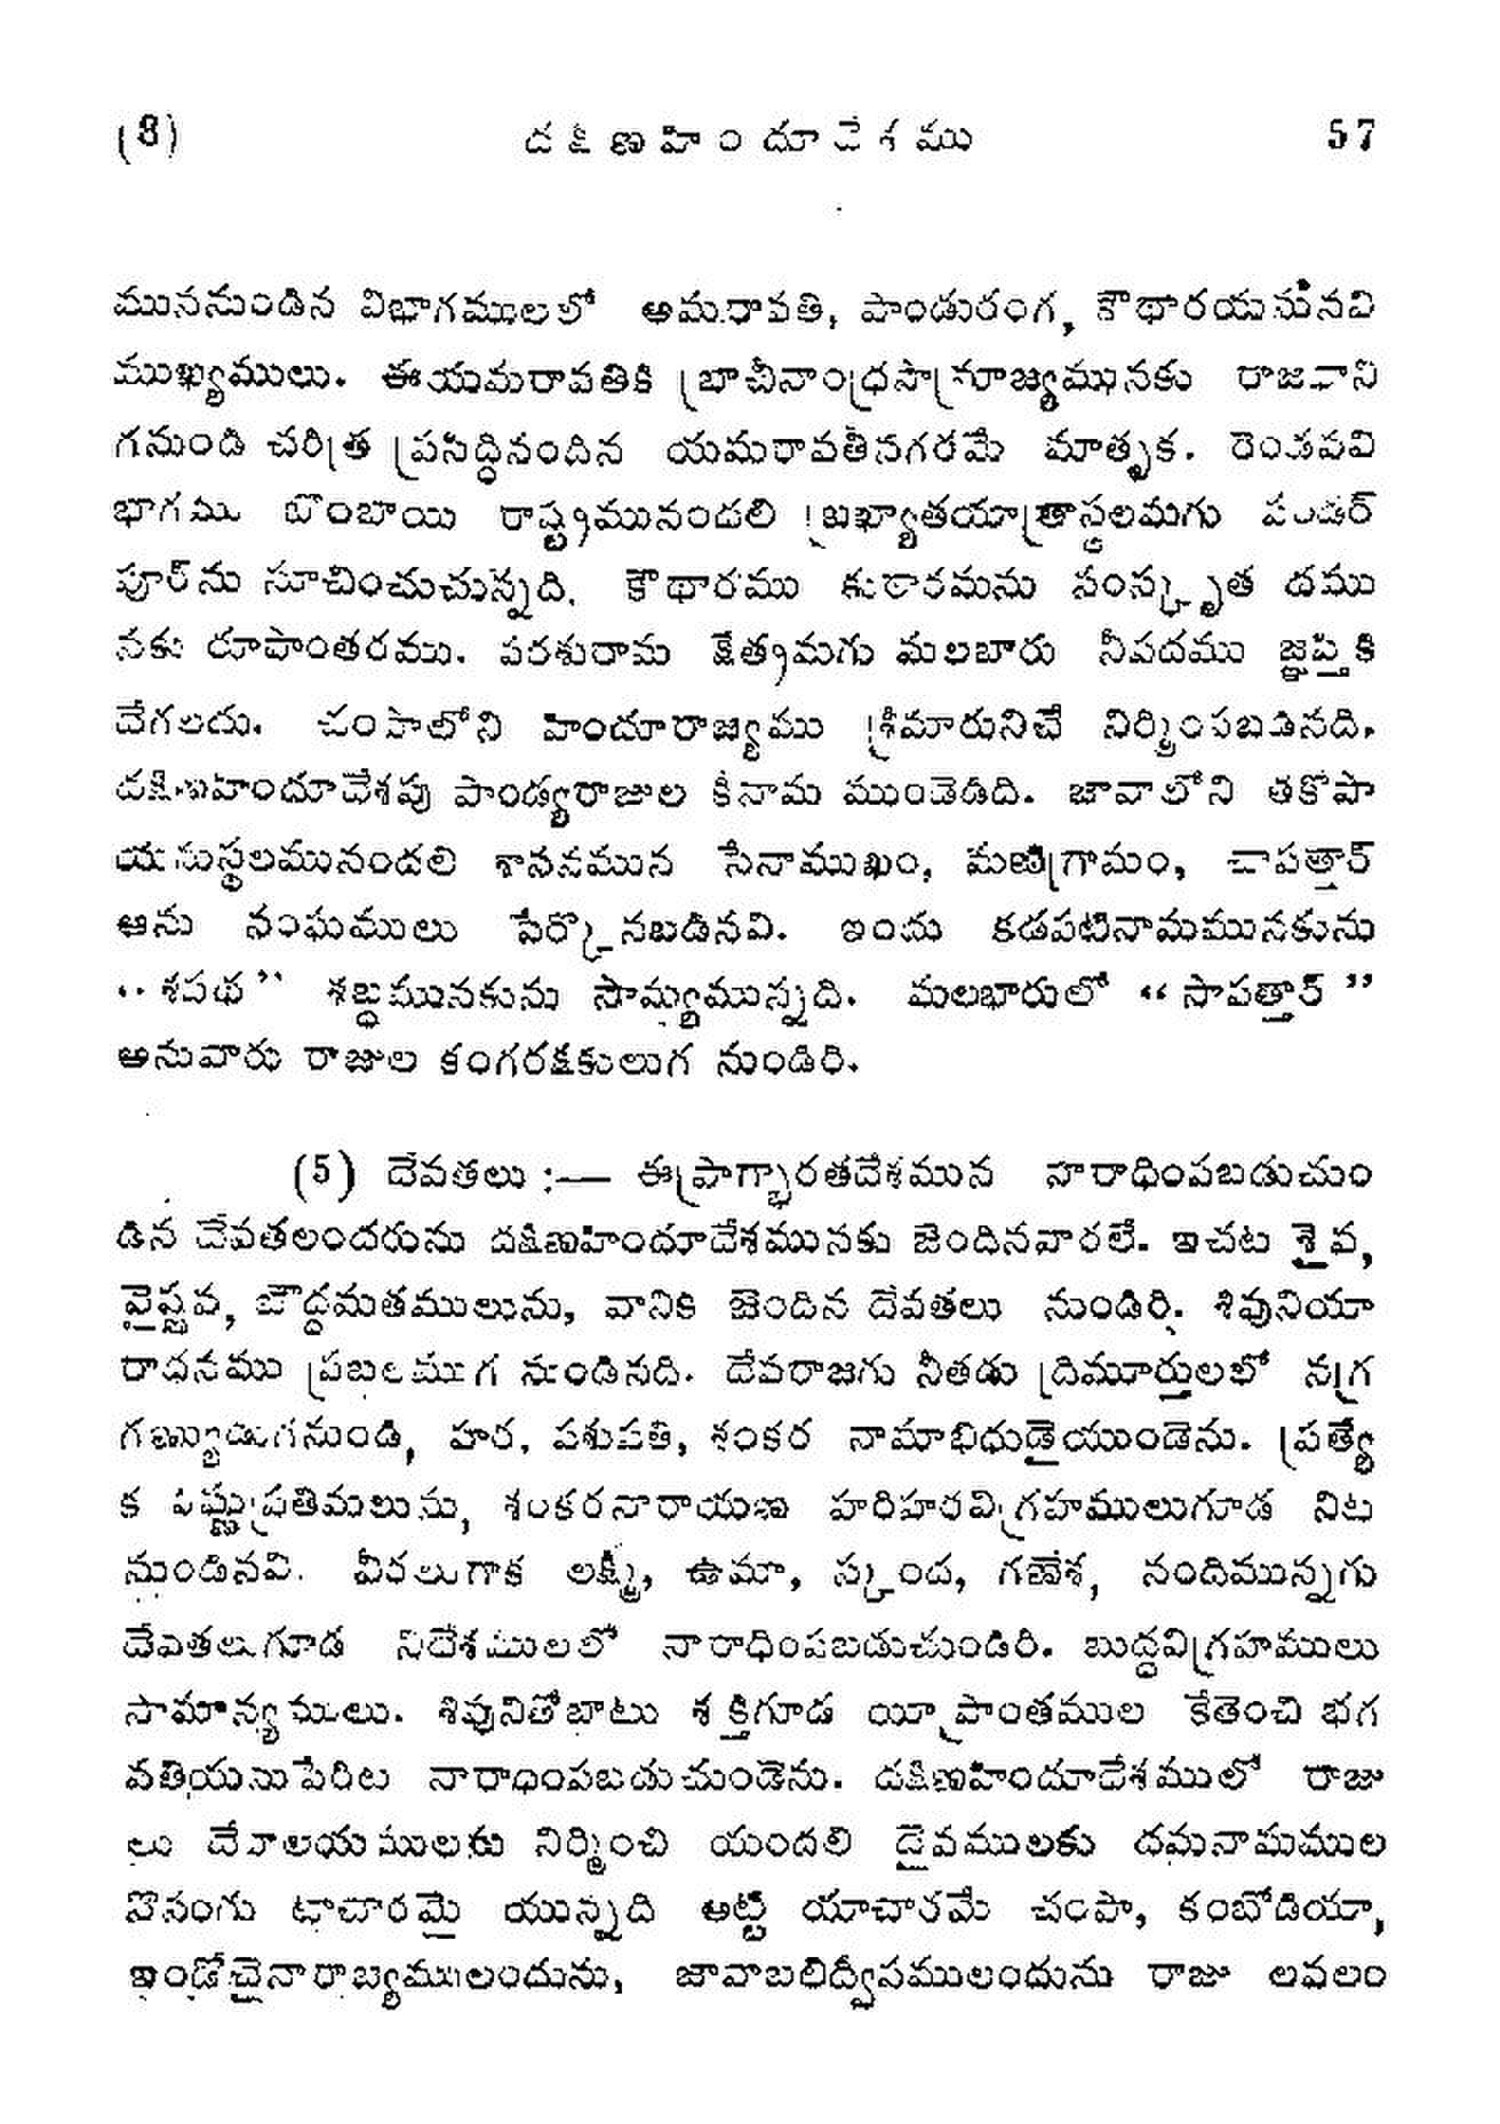ముననుండిన విభాగములలో అమరావతి, పాండురంగ, కౌథారయనునవి ముఖ్యములు. ఈ యమరావతికి బ్రాచీనాంధ్ర సామ్రాజ్యమునకు రాజధానిగనుండి చరిత్ర ప్రసిద్దినందిన యమరావతీనగరమే మాతృక. రెండవవి భాగము బొంబాయి రాష్ట్రమునందలి బ్రఖ్యాతయాత్రాస్థలమగు పండర్‌పూర్‌ను సూచించుచున్నది. కౌథారము కుఠారమను సంస్కృత పథమునకు రూపాంతరము. పరశురామ క్షేత్రమగు మలబారు నీపదము జ్ఞప్తికి దేగలదు. చంపాలోని హిందూరాజ్యము శ్రీమారునిచే నిర్మింపబడినది. దక్షిణహిందూదేశపు పాండ్యరాజుల కీనామ ముండెడిది. జావాలోని తకోపాయనుస్థలము నందలి శాసనమున సేనాముఖం, మణిగ్రామం, చాపత్తార్ అను సంఘములు పేర్కొనబడినవి. ఇందు కడపటి నామమునకును "శపథ" శబ్దమునకును సామ్యమున్నది. మలబారులో "సాపత్తార్" అనువారు రాజుల కంగరక్షకులుగ నుండిరి.

(5) దేవతలు :- ఈప్రాగ్భారతదేశమున నారాధింపబడుచుండిన దేవతలందరును దక్షిణహిందూదేశమునకు జెందినవారలే. ఇచట శైవ, వైష్ణవ, బౌద్దమతములును, వానికి జెందిన దేవతలు నుండిరి. శివునియారాదనము ప్రబలముగ నుండినది. దేవరాజగు నీతడు ద్రిమూర్తులలో నగ్రగణ్యుడుగనుండి, హర, పశుపతి, శంకర నామాభిరుధుడై యుండెను. ప్రత్యేక విష్ణుప్రతిమలును, శంకరనారాయణ హరిహరవిగ్రహములుగూడ నిట నుండినవి. వీరులుగాక లక్ష్మి, ఉమా, స్కంద, గణేశ, నందిమున్నగు దేవతలుగూడ నీదేశములలో నారాధింపబడుచుండిరి. బుద్దవిగ్రహములు సామాన్యములు. శివునితోబాటు శక్తిగూడ యీప్రాంతముల కేతెంచి భగవతియనుపేరిట నారాధింపబడు చుండెను. దక్షిణహిందూదేశములో రాజులు దేవాలయములను నిర్మించి యందలి దైవములకు దమనామముల నొసంగు టాచారమై యున్నది. అట్టి యాచారమే చంపా, కంబోడియా, ఇండోచైనారాజ్యములందును, జావాబలిద్వీపములందును రాజు లవలం